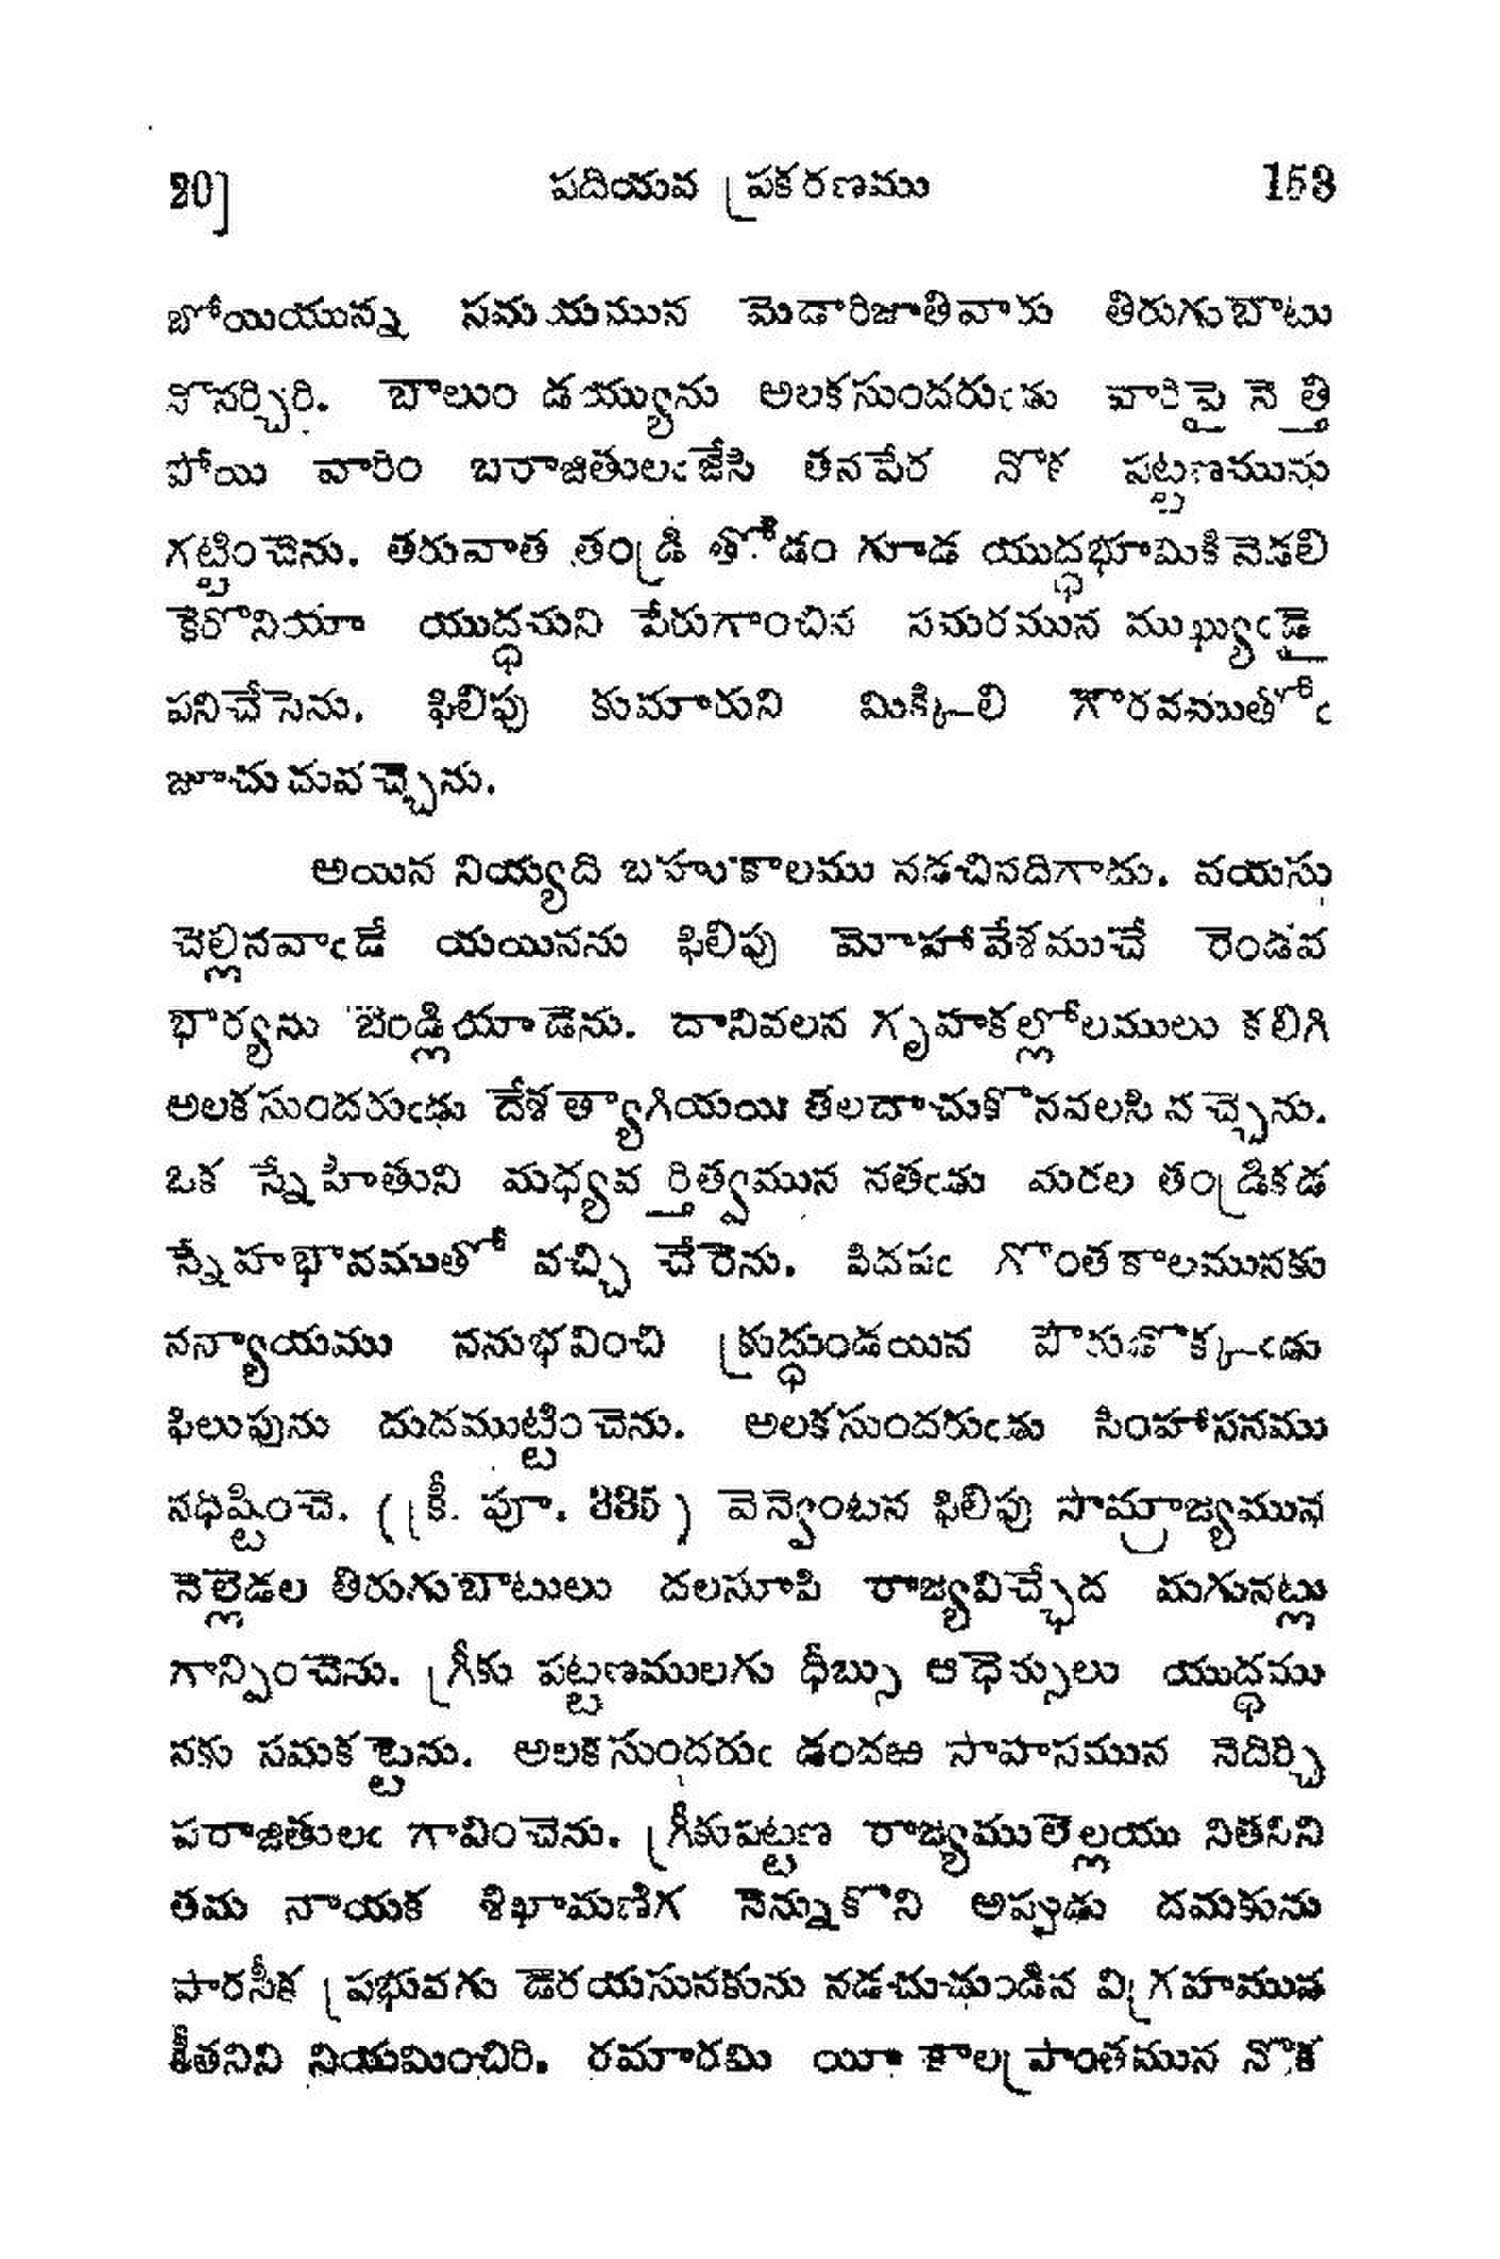బోయియున్న సమయమున మెడారిజాతివారు తిరుగుబాటు నొనర్చిరి. బాలుం డయ్యును అలకసుందరుఁడు వారిపై నెత్తి పోయి వారిం బరాజితులఁజేసి తనపేర నొక పట్టణమును గట్టించెను. తరువాత తండ్రి తోడం గూడ యుద్ధభూమికి వెడలి కెరొనియా యుద్దమని పేరుగాంచిన సమరమున ముఖ్యుఁడై పనిచేసెను. ఫిలిపు కుమారుని మిక్కిలి గౌరవముతోఁ జూచుచువచ్చెను.

అయిన నియ్యది బహుకాలము నడచినదిగాదు. వయసు చెల్లినవాఁడే యయినను ఫిలిపు మోహావేశముచే రెండవ భార్యను బెండ్లియాడెను. దానివలన గృహకల్లోలములు కలిగి అలకసుందరుఁడు దేశత్యాగియయి తలదాచుకొనవలసి వచ్చెను. ఒక స్నేహితుని మధ్యవర్తిత్వముస నతఁడు మరల తండ్రికడ స్నేహభావముతో వచ్చి చేరెను. పిదపఁ గొంత కాలమునకు నన్యాయము ననుభవించి క్రుద్దుండయిన పౌరుడొక్కఁడు ఫిలుపును దుదముట్టించెను. అలకసుందరుఁడు సింహాసనము సధిష్టించె. ( క్రీ. పూ. 335) వెన్వెంటన ఫిలిపు సామ్రాజ్యమున నెల్లెడల తిరుగుబాటులు దలసూపి రాజ్యవిచ్చేద మగునట్లు గాన్పించెను. గ్రీకు పట్టణములగు ధీబ్సు ఆథెన్సులు యుద్ధమునకు సమకట్టెను. అలకసుందరుఁ డందఱ సాహసమున నెదిర్చి పరాజితులఁ గావించెను. గ్రీకుపట్టణ రాజ్యములెల్లయు నితనిని తమ నాయక శిఖామణిగ నెన్నుకొని అప్పుడు దమకును పారసీక ప్రభువగు డెరయసునకును నడచుచుండిన విగ్రహమువ కీతనిని నియమించిరి. రమారమి యీ కాలప్రాంతమున నొక